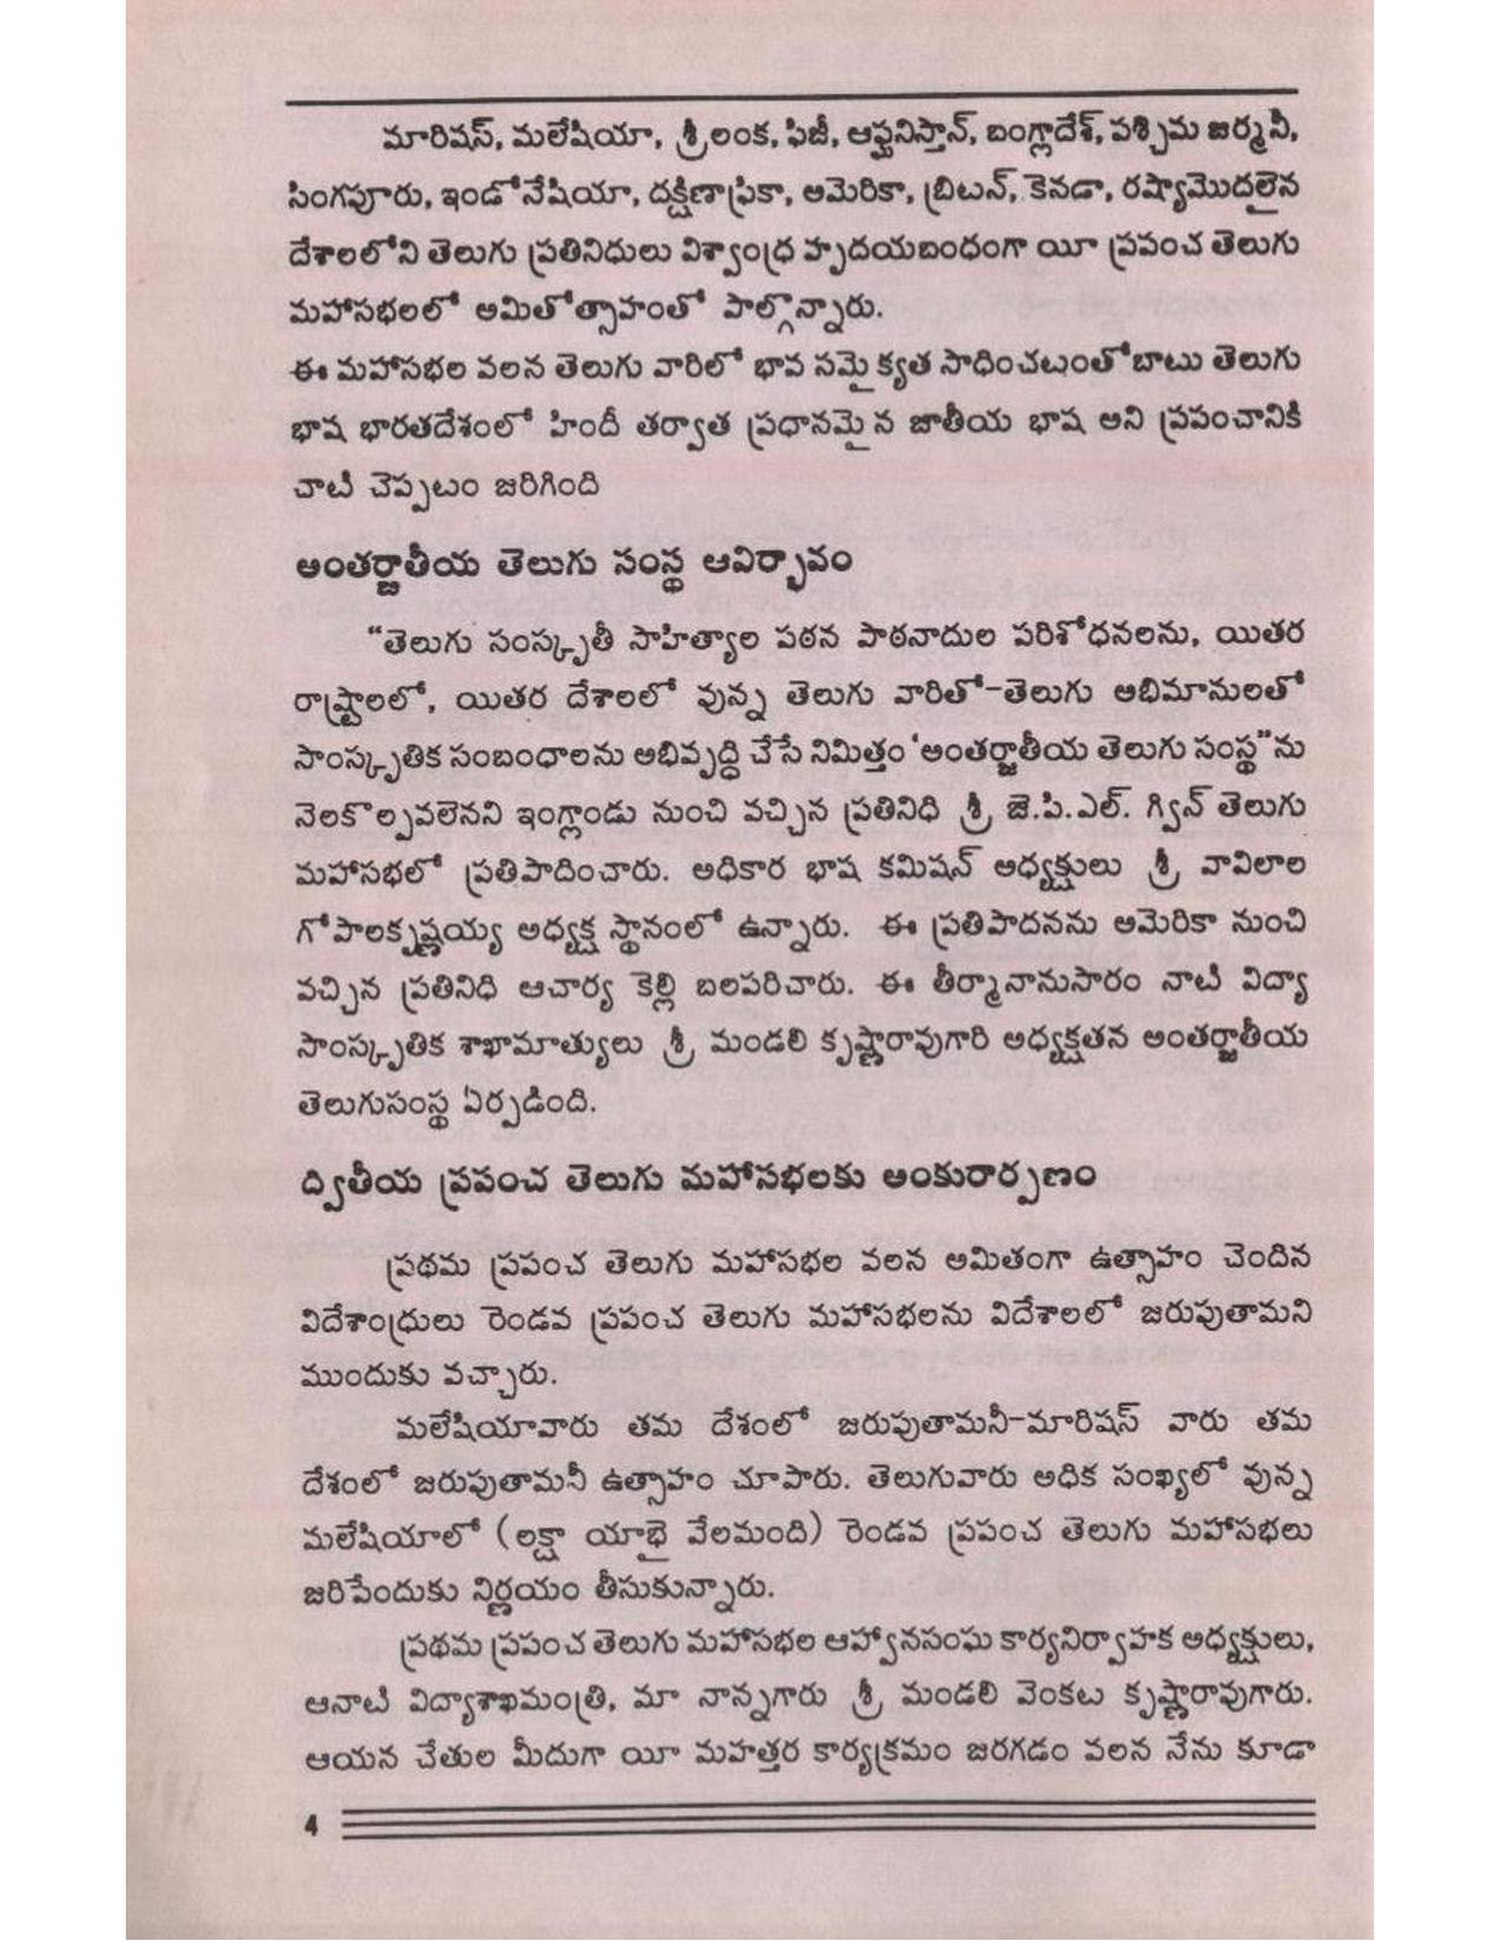మారిషస్, మలేషియా, శ్రీలంక, ఫిజీ, ఆఫ్ఘనిస్తాన్, బంగ్లాదేశ్ పశ్చిమ జర్మనీ, సింగపూరు, ఇండోనేషియా, దక్షిణాఫ్రికా, అమెరికా, బ్రిటన్, కెనడా, రష్యామొదలైన దేశాలలోని తెలుగు ప్రతినిధులు విశ్వాంధ్ర హృదయబంధంగా యీ ప్రపంచ తెలుగు మహాసభలలో అమితోత్సాహంతో పాల్గొన్నారు. 

ఈ మహాసభల వలన తెలుగు వారిలో భావ సమైక్యత సాదించటంతో బాటు తెలుగు భాష భారతదేశంలో హిందీ తర్వాత ప్రధానమైన జాతీయ భాష అని ప్రపంచానికి చాటి చెప్పటం జరిగింది.

అంతర్జాతీయ తెలుగు సంస్థ ఆవిర్భావం

"తెలుగు సంస్కృతీ సాహిత్యాల పఠన పాఠనాదుల పరిశోధనలను, యితర రాష్ట్రాలలో, యితర దేశాలలో వున్న తెలుగు వారితో-తెలుగు అభిమానులతో సాంస్కృతిక సంబంధాలను అభివృద్ధి చేసే నిమిత్తం 'అంతర్జాతీయ తెలుగు సంస్థ"ను నెలకొల్పవలెనని ఇంగ్లాండు నుంచి వచ్చిన ప్రతినిధి శ్రీ జె. పి. ఎల్. గ్విన్ తెలుగు మహాసభలో ప్రతిపాదించారు. అధికార భాష కమిషన్ అధ్యక్షులు శ్రీ వావిలాల గోపాలకృష్ణయ్య అధ్యక్ష స్థానంలో ఉన్నారు. ఈ ప్రతిపాదనను అమెరికా నుంచి వచ్చిన ప్రతినిధి ఆచార్య కెల్లి బలపరిచారు. ఈ తీర్మానానుసారం నాటి విద్యా సాంస్కృతిక శాఖామాత్యులు శ్రీ మండలి కృష్ణారావుగారి అధ్యక్షతన అంతర్జాతీయ తెలుగుసంస్థ ఏర్పడింది.

ద్వితీయ ప్రపంచ తెలుగు మహాసభలకు అంకురార్పణం

ప్రథమ ప్రపంచ తెలుగు మహాసభల వలన అమితంగా ఉత్సాహం చెందిన విదేశాంధ్రులు రెండవ ప్రపంచ తెలుగు మహాసభలను విదేశాలలో జరుపుతామని ముందుకు వచ్చారు.

మలేషియావారు తమ దేశంలో జరుపుతామనీ-మారిషస్ వారు తమ దేశంలో జరుపుతామనీ ఉత్సాహం చూపారు. తెలుగువారు అధిక సంఖ్యలో వున్న మలేషియాలో (లక్షా యాభై వేలమంది) రెండవ ప్రపంచ తెలుగు మహాసభలు జరిపేందుకు నిర్ణయం తీసుకున్నారు.

ప్రథమ ప్రపంచ తెలుగు మహాసభల ఆహ్వానసంఘ కార్యనిర్వాహక అధ్యక్షులు, ఆనాటి విద్యాశాఖమంత్రి, మా నాన్నగారు శ్రీ మండలి వెంకట కృష్ణారావుగారు. ఆయన చేతుల మీదుగా యీ మహత్తర కార్యక్రమం జరగడం వలన నేను కూడా